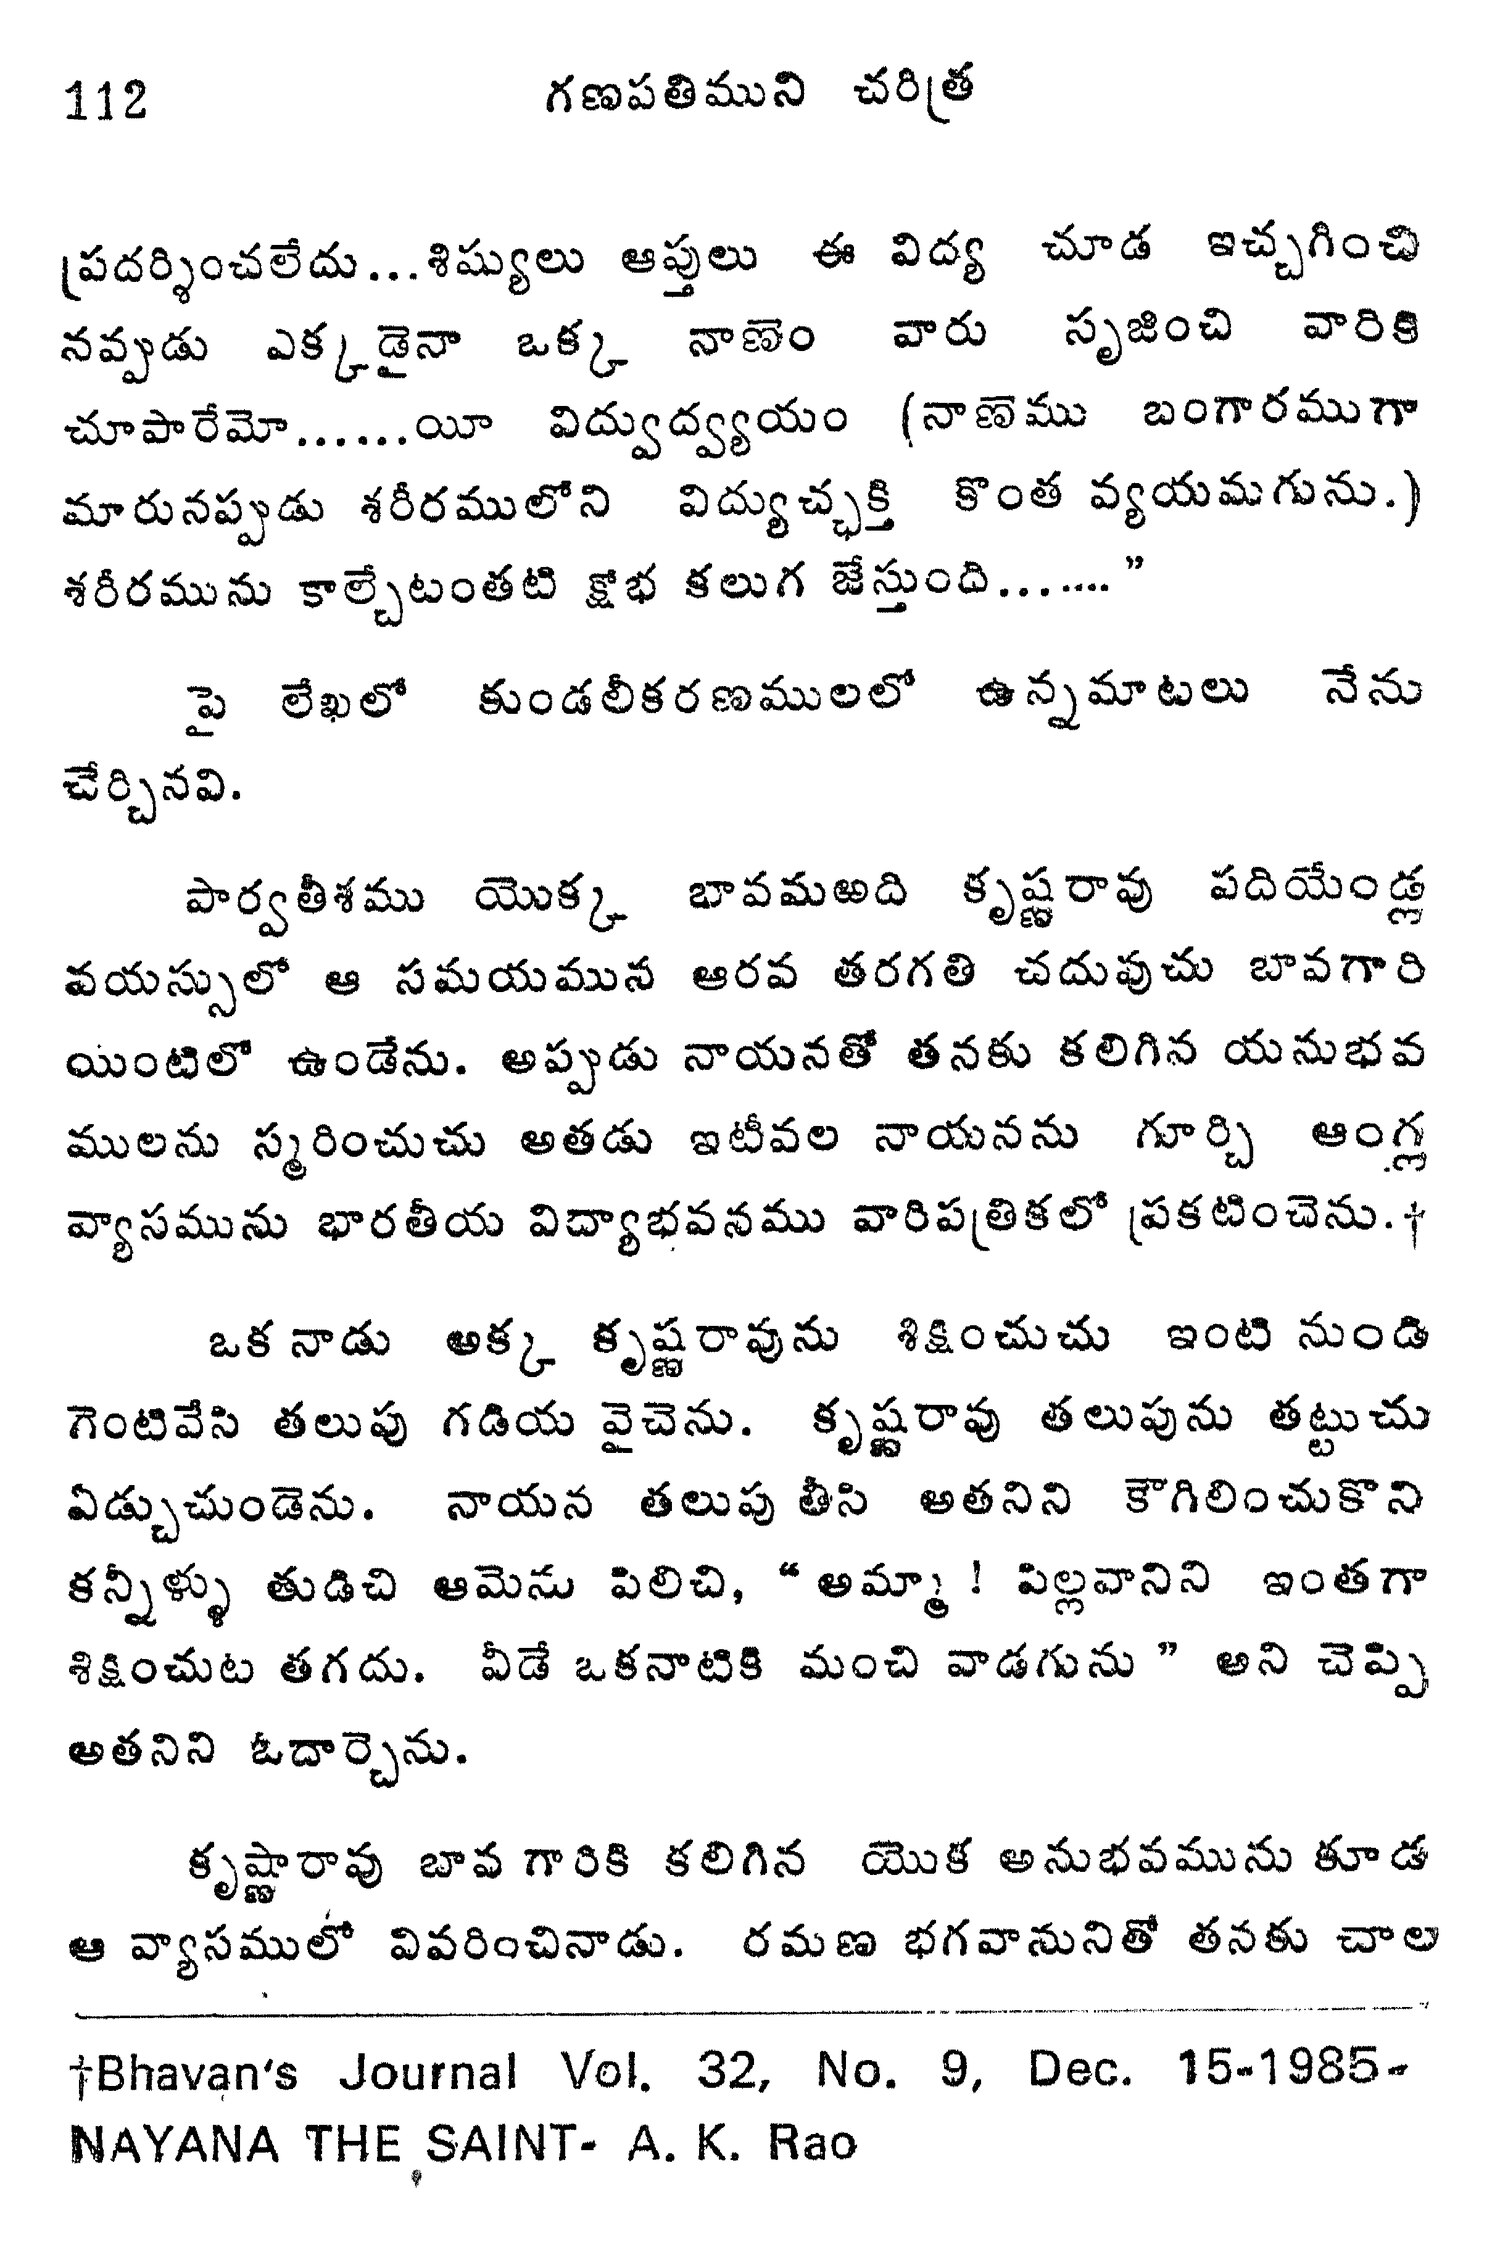ప్రదర్శించలేదు...శిష్యులు ఆప్తులు ఈ విద్య చూడ ఇచ్చగించినప్పుడు ఎక్కడైనా ఒక్క నాణెం వారు సృజించి వారికి చూపారేమో......యీ విద్వుద్వ్యయం (నాణెము బంగారముగా మారునప్పుడు శరీరములోని విద్యుచ్ఛక్తి కొంత వ్యయమగును) శరీరమును కాల్చేటంతటి క్షోభ కలుగ జేస్తుంది......"

పై లేఖలో కుండలీకరణములలో ఉన్నమాటలు నేను చేర్చినవి.

పార్వతీశము యొక్క బావమఱది కృష్ణరావు పదియేండ్ల వయస్సులో ఆ సమయమున ఆరవ తరగతి చదువుచు బావగారి యింటిలో ఉండేను. అప్పుడు నాయనతో తనకు కలిగిన యనుభవములను స్మరించుచు అతడు ఇటీవల నాయనను గూర్చి ఆంగ్లవ్యాసమును భారతీయ విద్యాభవనము వారిపత్రికలో ప్రకటించెను.*

ఒకనాడు అక్క కృష్ణరావును శిక్షించుచు ఇంటినుండి గెంటివేసి తలుపు గడియ వైచెను. కృష్ణరావు తలుపును తట్టుచు ఏడ్చుచుండెను. నాయన తలుపు తీసి అతనిని కౌగిలించుకొని కన్నీళ్ళు తుడిచి ఆమెను పిలిచి, "అమ్మా! పిల్లవానిని ఇంతగా శిక్షించుట తగదు. వీడే ఒకనాటికి మంచి వాడగును" అని చెప్పి అతనిని ఓదార్చెను.

కృష్ణారావు బావగారికి కలిగిన యొక అనుభవమును కూడ అ వ్యాసములో వివరించినాడు. రమణ భగవానునితో తనకు చాల